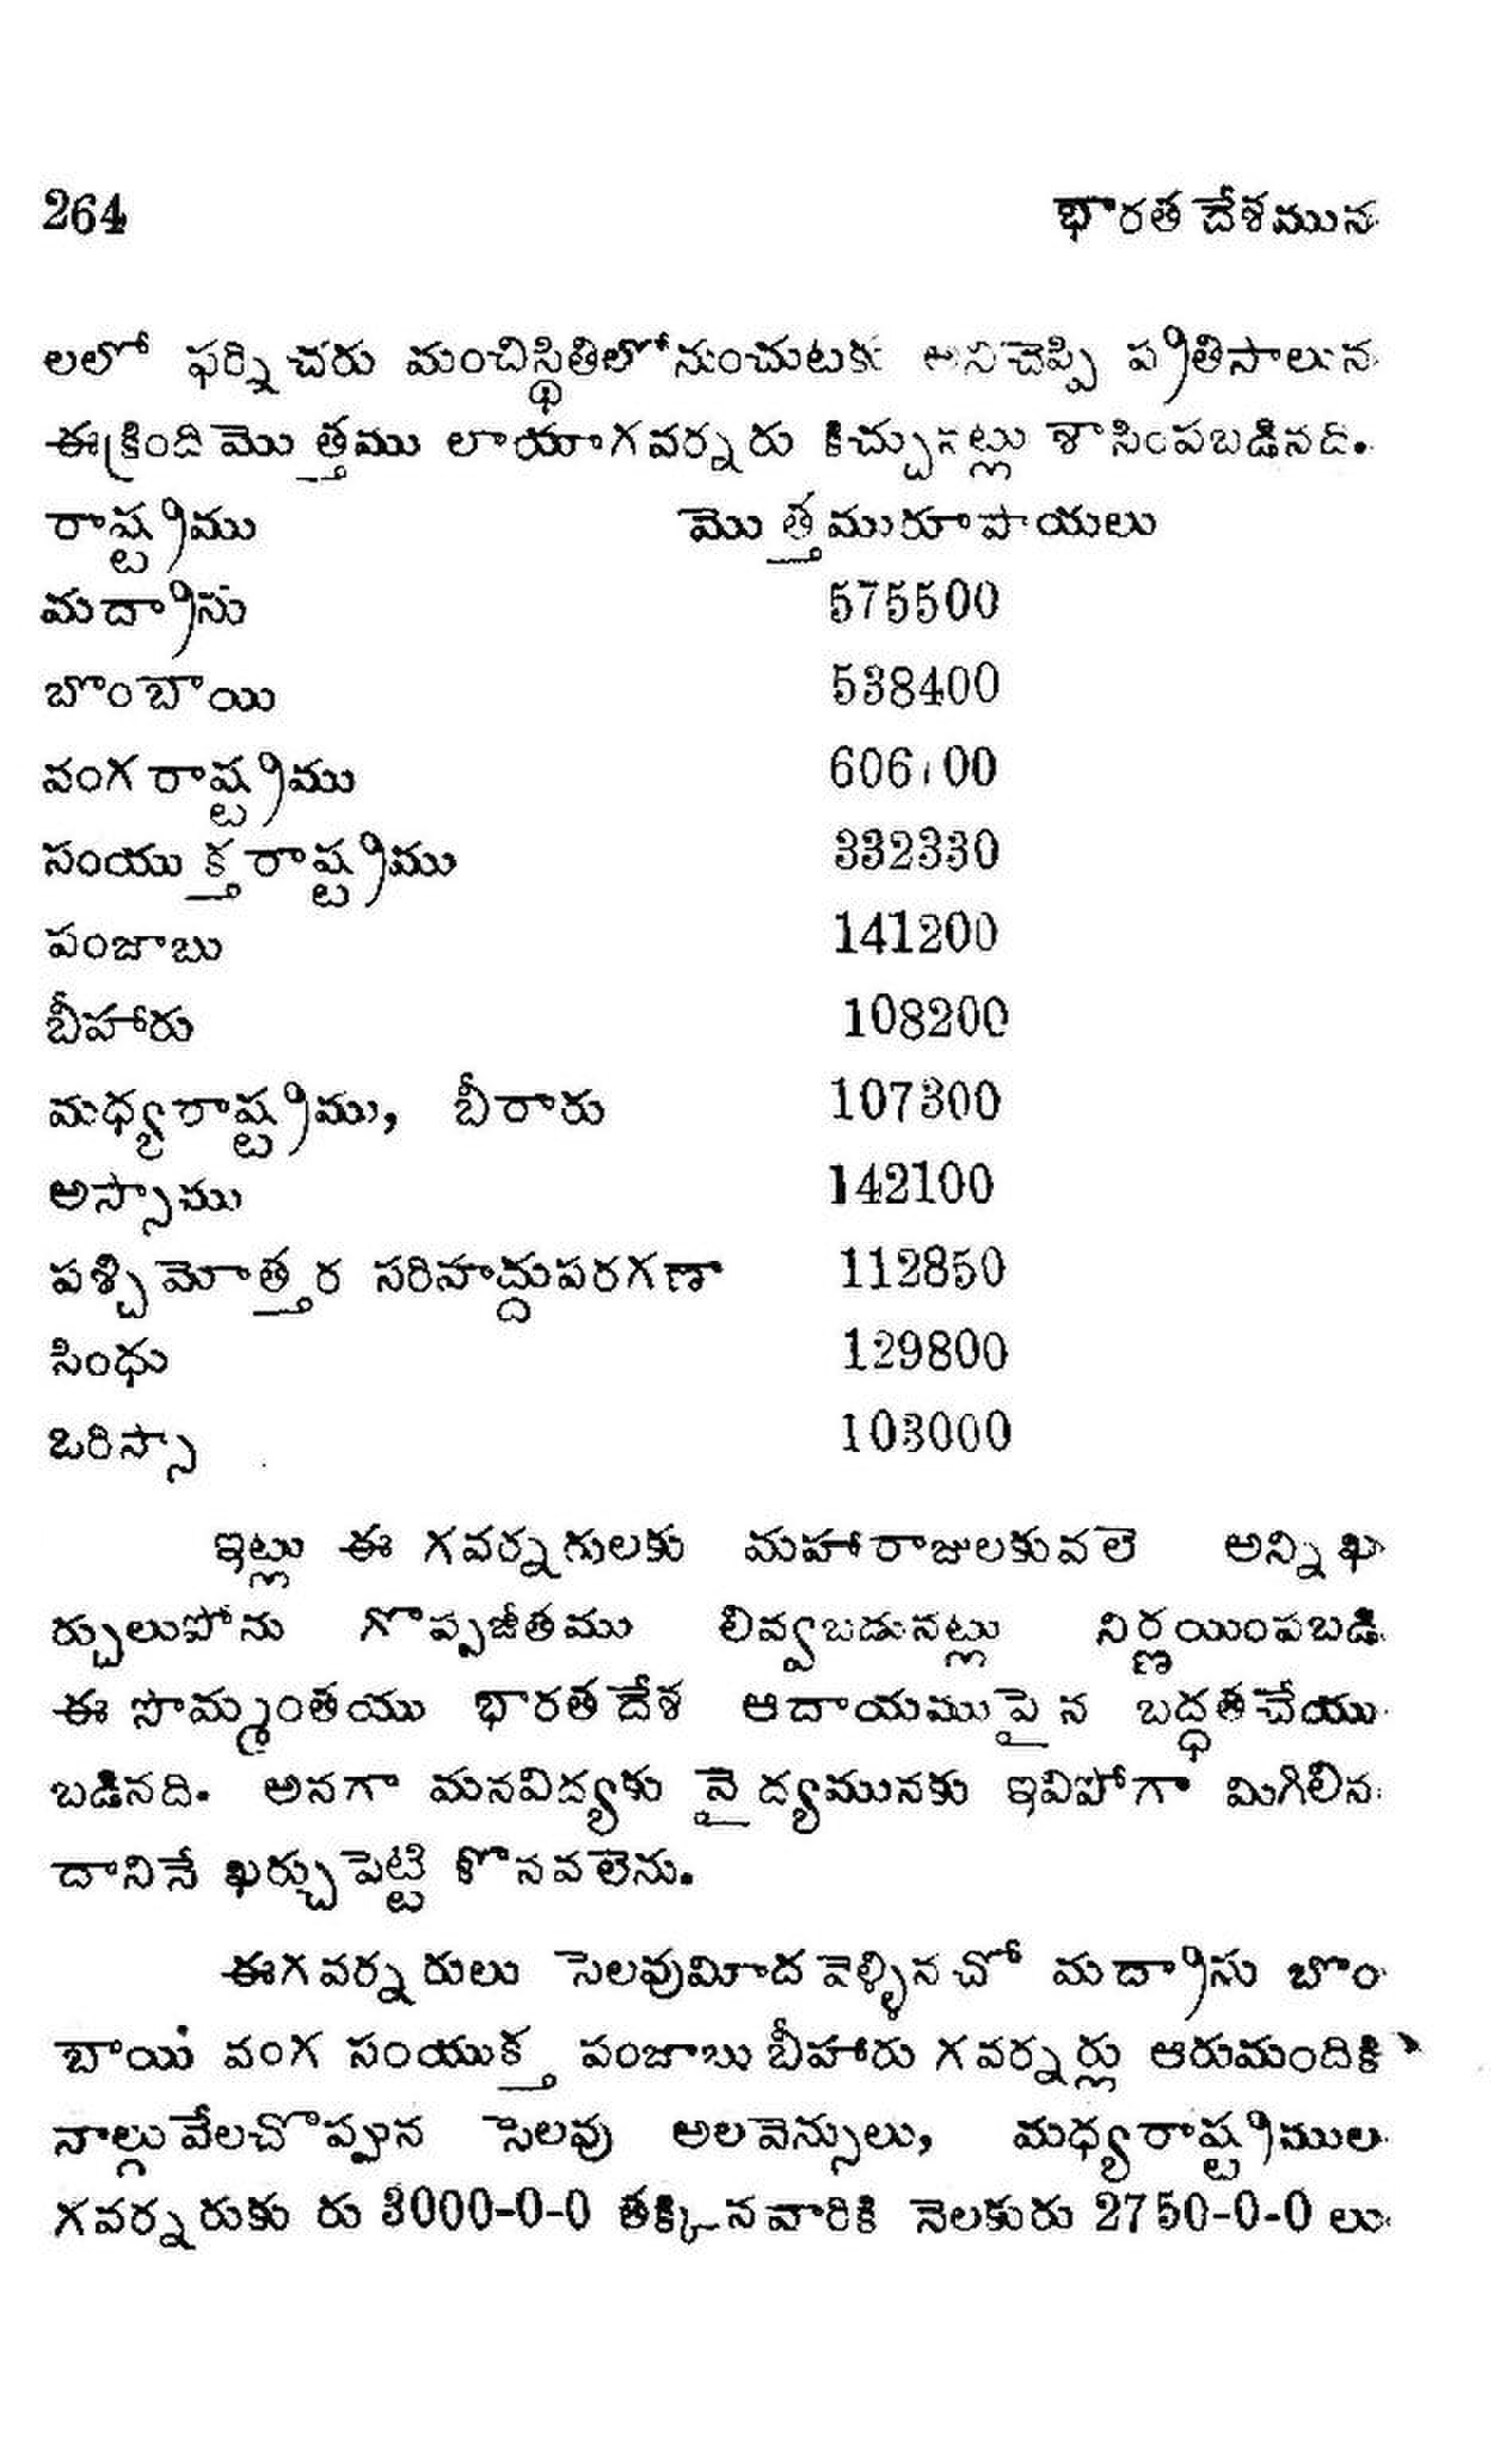లలో ఫర్నిచరు మంచిస్థిలోనుంచుటకు అనిచెప్పి ప్రతిసాలున ఈక్రిందిమొత్తము లాయాగవర్నరు కిచ్చునట్లు శాసింపబడినది.

 రాష్ట్రము మొత్తమురూపాయలు మద్రాసు 575500 బొంబాయి 538400 వంగరాష్ట్రము 606000 సంయుక్తరాష్ట్రము 332330 పంజాబు 141200 బీహారు 108200 మధ్యరాష్ట్రము, బీరారు 107300 అస్సాము 142100 పశ్చిమోత్తర స్సరిహద్దుపరగణా 112850 సింధు 129800 ఒరిస్సా 103000
ఇట్లు ఈ గవర్నరులకు మహారాజులకువలె అన్నిఖర్చులు గొప్పజీతము లివ్వబడునట్లు నిర్ణయింపబడి ఈ సొమ్మంతయు భారతదేశ ఆదాయముపైన బద్ధతచేయు బడినది. అనగా మనవిద్యకు వైద్యమునకు ఇవిపోగా మిగిలిన దానినే ఖర్చు పెట్టికొనవలయును

ఈగవర్నరులు సెలవుమీదవెళ్ళినచో మద్రాసు బొంబాయి వంగ సంయుక్త పంజాబు బీహారు గవర్నర్లు ఆరుమందికి నాల్గువేలచొప్పున సెలవు అలవెన్సులు, మధ్యరాష్ట్రముల గవర్నరుకు రు 3000-0-0 తక్కినవారికి నెలకు రు 2750-0-0 లు